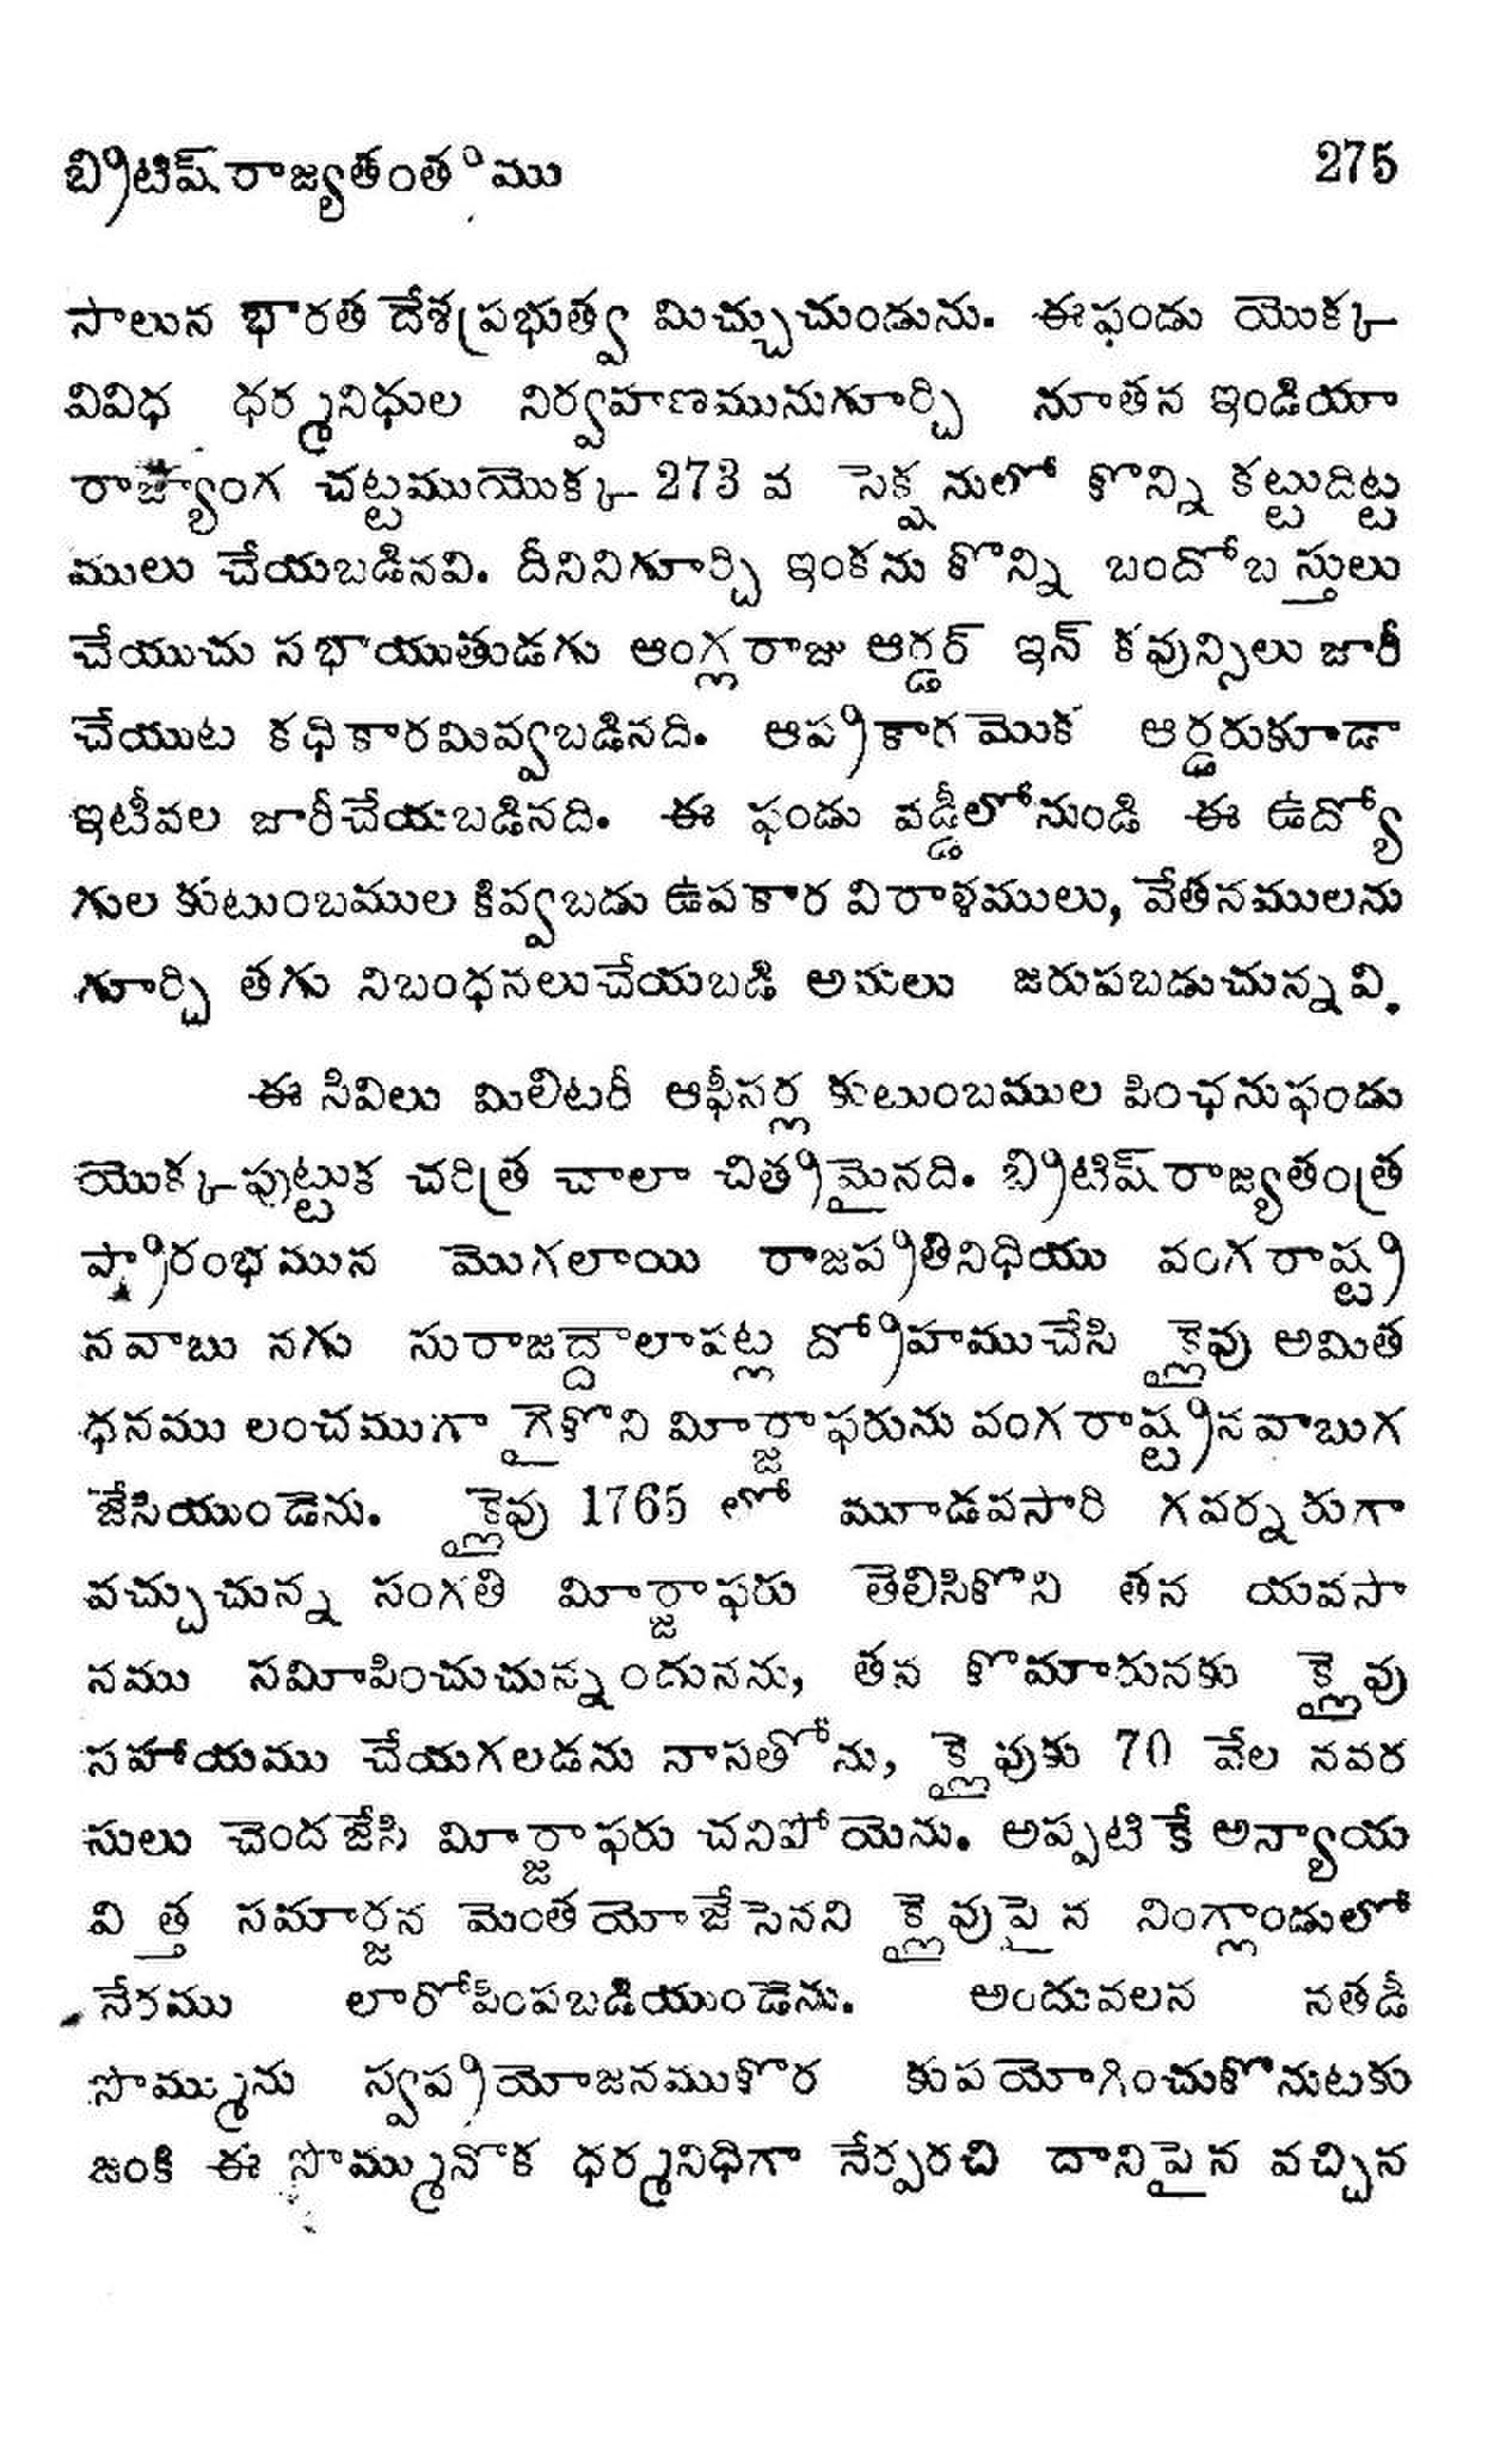సాలున భారతదేశప్రభుత్వ మిచ్చుచుండును. ఈ ఫండు యొక్క వివిధ ధర్మనిధుల నిర్వహణమునుగూర్చి నూతన ఇండియా రాజ్యాంగ చట్టముయొక్క 273 వ సెక్షనులో కొన్ని కట్టుదిట్టములు చేయబడినవి. దీనినిగూర్చి ఇంకను కొన్ని బందోబస్తులు చేయుచు సభాయుతుడగు ఆంగ్లరాజు ఆర్డర్ ఇన్ కవున్సిలుజారీచేయుట కధికారమివ్వబడినది. ఆప్రకారమొక ఆర్డరుకూడా ఇటీవల జారీచేయబడినది. ఈ ఫండు వడ్డీలోనుండి ఈ ఉద్యోగుల కుటుంబముల కివ్వబడు ఉపకార విరాళములు, వేతనములను గూర్చి తగు నిబంధనలు చేయబడి అమలు జరుపబడుచున్నవి.

ఈ సివిలు మిలిటరీ ఆఫీసర్ల కుటుంబముల పింఛనుఫండు యొక్క పుట్టుక చరిత్ర చాలా చిత్రమైనది. బ్రిటిష్ రాజ్యతంత్ర ప్రారంభమున మొగలాయి రాజప్రతినిధియు వంగరాష్ట్ర నవాబు నగు సురాజద్దౌలాపట్ల ద్రోహముచేసి క్లైవు అమితధనము లంచముగా గైకొని మిర్జాఫరును వంగరాష్ట్రనవాబుగ జేసియుండెను. క్లైవు 1765 లో మూడవసారి గవర్నరుగా వచ్చుచున్న సంగతి మీర్జాఫరు తెలిసికొని తన యవసానము సమీపించుచున్నందునను, తన కొమారునకు క్లైవు సహాయము చేయగలడను నాసతోను, క్లైవుకు 70 వేల నవరసులు చెందజేసి మీర్జాఫరు చనిపోయెను. అప్పటికే అన్యాయ విత్త సమార్జన మెంతయోజేసెనని క్లైవుపైన నింగ్లాండులో నేరము లారోపింపబడియుండెను. అందువలన నతడీ సొమ్మును స్వప్రయోజనముకొర కుపయోగించుకొనుటకు జంకి ఈ సొమ్మునొక ధర్మనిధిగా నేర్పరచి దానిపైన వచ్చిన